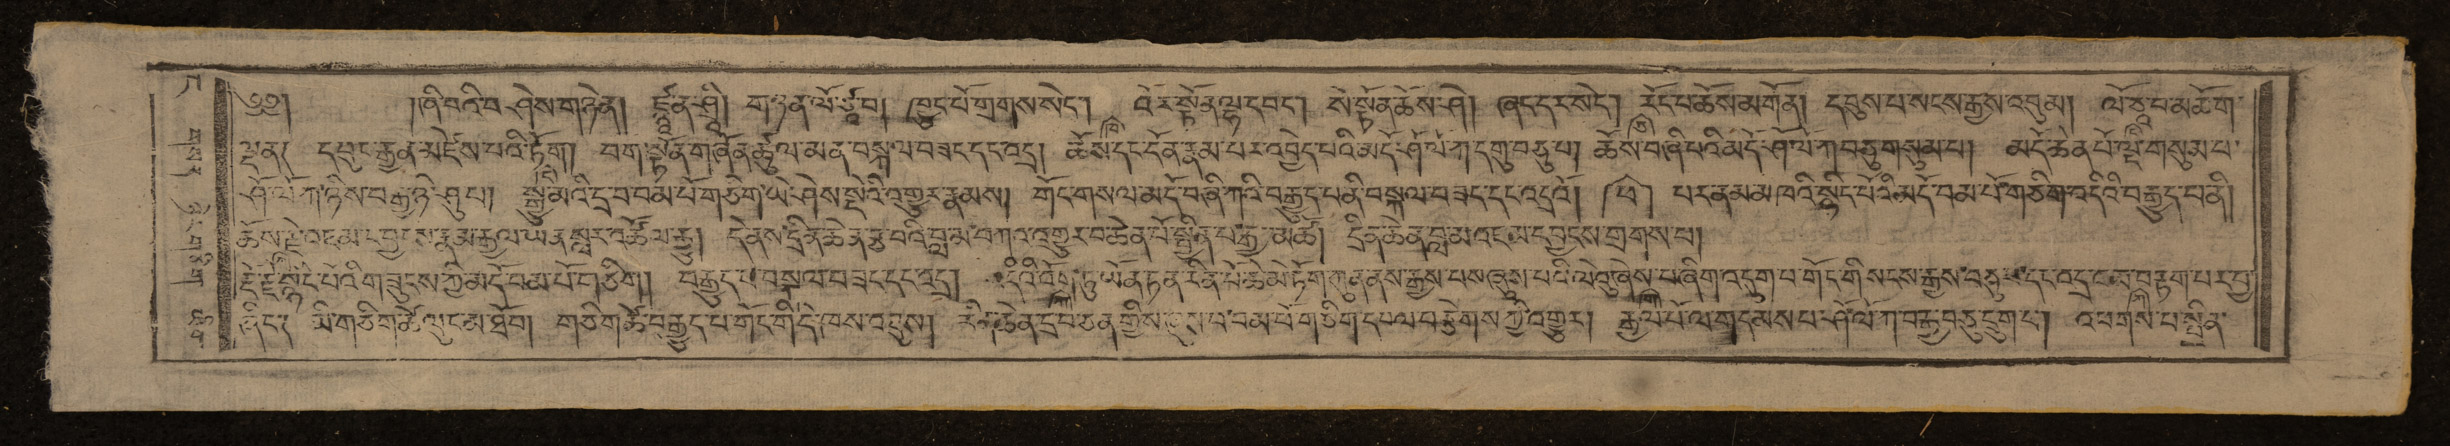༄༅། །ཞི་བའི་ཤེས་གཉེན། ཛྙཱ་ན་ཤྲཱི། གཉན་ལོ་ཙཱ་བ། ཁྱུང་པོ་གྲགས་སེང་། འོར་སྟོན་ལྷ་དབང་། སེ་སྟོན་ཆོས་ཤེ། ཞང་དར་སེང་། རོང་པ་ཆོས་མགོན། དབུས་པ་སངས་རྒྱས་འབུམ། ལོ་ཙཱ་བ་མཆོག་
ལྡན། དབུང་རྒྱན་མཛེས་པའི་ཏོག། བག་སྟོན་གཞོན་ཚུལ་མན་བསྐལ་བཟང་དང་འདྲ། ཆོས་དང་དོན་རྣམ་པར་འབྱེད་པའི་མདོ་ཤོ་ལོ་ཀ་དགུ་བཅུ་པ། ཆོས་བཞི་པའི་མདོ་ཤོ་ལོ་ཀ་བཅུ་གསུམ་པ། མདོ་ཆེན་པོ་ལྔ་གསུམ་པ་
ཤོ་ལོ་ཀ་ཉིས་བརྒྱ་ཉི་ཤུ་པ། སྒྱུ་མའི་དྲ་བ་བམ་པོ་གཅིག་ཡེ་ཤེས་སྡེའི་འགྱུར་རྣམས། གོང་གསལ་མདོ་བཞི་ཀའི་བརྒྱུད་པ་ནི་བསྐལ་བཟང་དང་འདྲའོ། {ཕ}་པར་ནམ་མཁའི་སྙིང་པོའི་མོད་བམ་པོ་གཅིག་འདིའི་བརྒྱུད་པ་ནི།
ཆོས་རྗེ་འཇམ་དབྱངས་རྣམ་རྒྱལ་ཡན་སླར་འཚོལ་རྒྱུད། དེ་ནས་དྲིན་ཆེན་རྩ་བའི་བླ་མ་བཀའ་འགྱུར་བ་ཆེན་པོ་སྦྱིན་པ་རྒྱ་མཚོ། དྲིན་ཆེན་བླ་མ་འཇམ་དབྱངས་གྲགས་པ།
རྡོ་རྗེ་སྙིང་པོའི་གཟུངས་ཀྱི་མདོ་བམ་པོ་གཅིག། བརྒྱུད་པ་བསྐལ་བཟང་དང་འདྲ། འདིའི་འོག་ཏུ་ཡོན་ཏན་རིན་པོ་ཆེ་མེ་ཏོག་ཀུན་ནས་རྒྱས་པས་ཞུས་པའི་ལེའུ་ཞེས་པ་ཞིག་འདུག་པ་གོང་གི་སང་རྒྱས་བཅུ་པ་དང་འདྲ་བམ་བརྟག་པར་བྱ་
ཞིང་ཀྱི་གཅིག་ཚེ་ལུང་མ་ཐོབ། གཅིག་ཚེ་བརྒྱུད་པ་གོང་གི་དེ་ཁས་འཐུས། རིན་ཆེན་དྲ་བ་ཅན་གྱིས་ཞུས་པ་བམ་པོ་གཅིག་དཔལ་བརྩེགས་ཀྱི་འགྱུར། རྒྱལ་པོ་ལ་གདགས་པ་ཤོ་ལོ་ཀ་བརྒྱ་བཅུ་དྲུག་པ། འཕགས་པ་སྤྲིན་